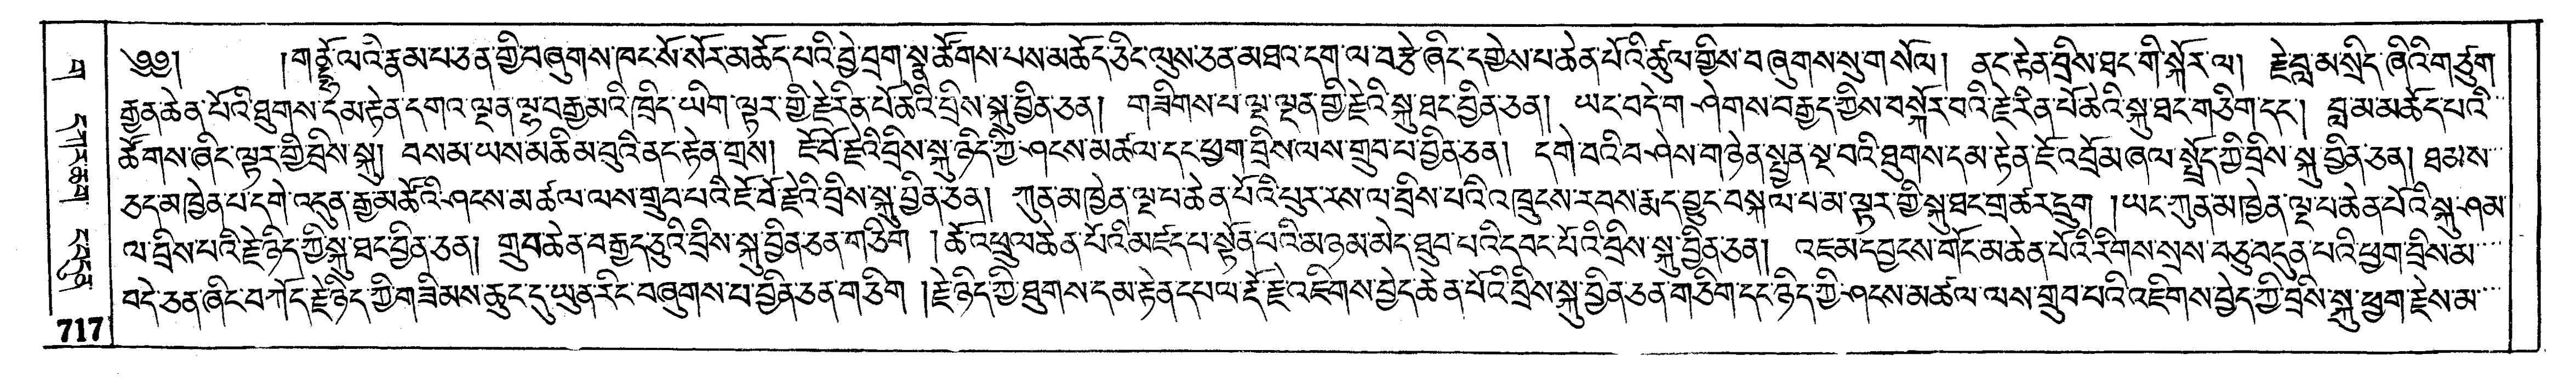༄༅། །གནྡྷོ་ལའི་རྣམ་པ་ཅན་གྱི་བཞུགས་ཁང་སོ་སོར་མཆོད་བའི་བྱེ་བྲག་སྣ་ཚོགས་པས་མཆོད་ཅིང་ལུས་ཅན་མཐའ་དག་ལ་བརྩེ་ཞིང་དགྱེས་པ་ཆེན་པོའི་ཚུལ་གྱིས་བཞུགས་སུ་གསོལ། ནང་རྟེན་བྲིས་ཐང་གི་སྐོར་ལ། རྗེ་བླ་མ་སྲིད་ཞིའི་གཙུག་
རྒྱན་ཆེན་པོའི་ཐུགས་དམ་རྟེན་དགའ་ལྡན་ལྷ་བརྒྱ་མའི་ཁྲིད་ཡིག་ལྟར་གྱི་རྗེ་རིན་པོ་ཆེའི་བྲིས་སྐུ་བྱིན་ཅན། གཟིགས་པ་ལྔ་ལྡན་གྱི་རྗེའི་སྐུ་ཐང་བྱིན་ཅན། ཡང་བདེ་གཤེགས་བརྒྱད་ཀྱིས་བསྐོར་བའི་རྗེ་རིན་པོ་ཆེའི་སྐུ་ཐང་གཅིག་དང་། བླ་མ་མཆོད་པའི་
ཚོགས་ཞིང་ལྟར་གྱི་བྲིས་སྐུ། བསམ་ཡས་མཆིམ་བུའི་ནང་རྟེན་གྲས། ཇོ་བོ་རྗེའི་བྲིས་སྐུ་ཉིད་ཀྱི་ཤངས་མཚལ་དང་ཕྱག་བྲིས་ལས་གྲུབ་པ་བྱིན་ཅན། དགེ་བའི་བཤེས་གཉེན་སྤྱན་སྔ་བའི་ཐུགས་དམ་རྟེན་ཇོ་འབྲོམ་ཞལ་སྤྲོད་ཀྱི་བྲིས་སྐུ་བྱིན་ཅན། ཐམས་
ཅད་མཁྱེན་པ་དགེ་འདུན་རྒྱ་མཚོའི་ཤངས་མཚལ་ལས་གྲུབ་པའི་ཇོ་བོ་རྗེའི་བྲིས་སྐུ་བྱིན་ཅན། ཀུན་མཁྱེན་ལྔ་པ་ཆེན་པོའི་པུར་རས་ལ་བྲིས་པའི་འཁྲུངས་རབས་རྨད་བྱུང་བསྐལ་བ་མ་ལྟར་གྱི་སྐུ་ཐང་གྲ་ཚར་དྲུག །ཡང་ཀུན་མཁྱེན་ལྔ་པ་ཆེན་པོའི་སྐུ་ཤམ་
ལ་བྲིས་པའི་རྗེ་ཉིད་ཀྱི་སྐུ་ཐང་བྱིན་ཅན། གྲུབ་ཆེན་བརྒྱད་ཅུའི་བྲིས་སྐུ་བྱིན་ཅན་གཅིག །ཆོ་འཕྲུལ་ཆེན་པོའི་མཛད་པ་སྟོན་པའི་མཉམ་མེད་ཐུབ་པའི་དབང་པོའི་བྲིས་སྐུ་བྱིན་ཅན། འཇམ་དབྱངས་གོང་མ་ཆེན་པོའི་རིགས་སྲས་བཅུ་བདུན་པའི་ཕྱག་བྲིས་མ་
བདེ་ཅན་ཞིང་བཀོད་རྗེ་ཉིད་ཀྱི་གཟིམས་ཆུང་དུ་ཡུན་རིང་བཞུགས་བ་བྱིན་ཅན་གཅིག །རྗེ་ཉིད་ཀྱི་ཐུགས་དམ་རྟེན་དཔལ་རྡོ་རྗེ་འཇིགས་བྱེད་ཆེན་པོའི་བྲིས་སྐུ་བྱིན་ཅན་གཅིག་དང་ཉིད་ཀྱི་ཤངས་མཚལ་ལས་གྲུབ་པའི་འཇིགས་བྱེད་ཀྱི་བྲིས་སྐུ་ཕྱག་རྗེས་མ་